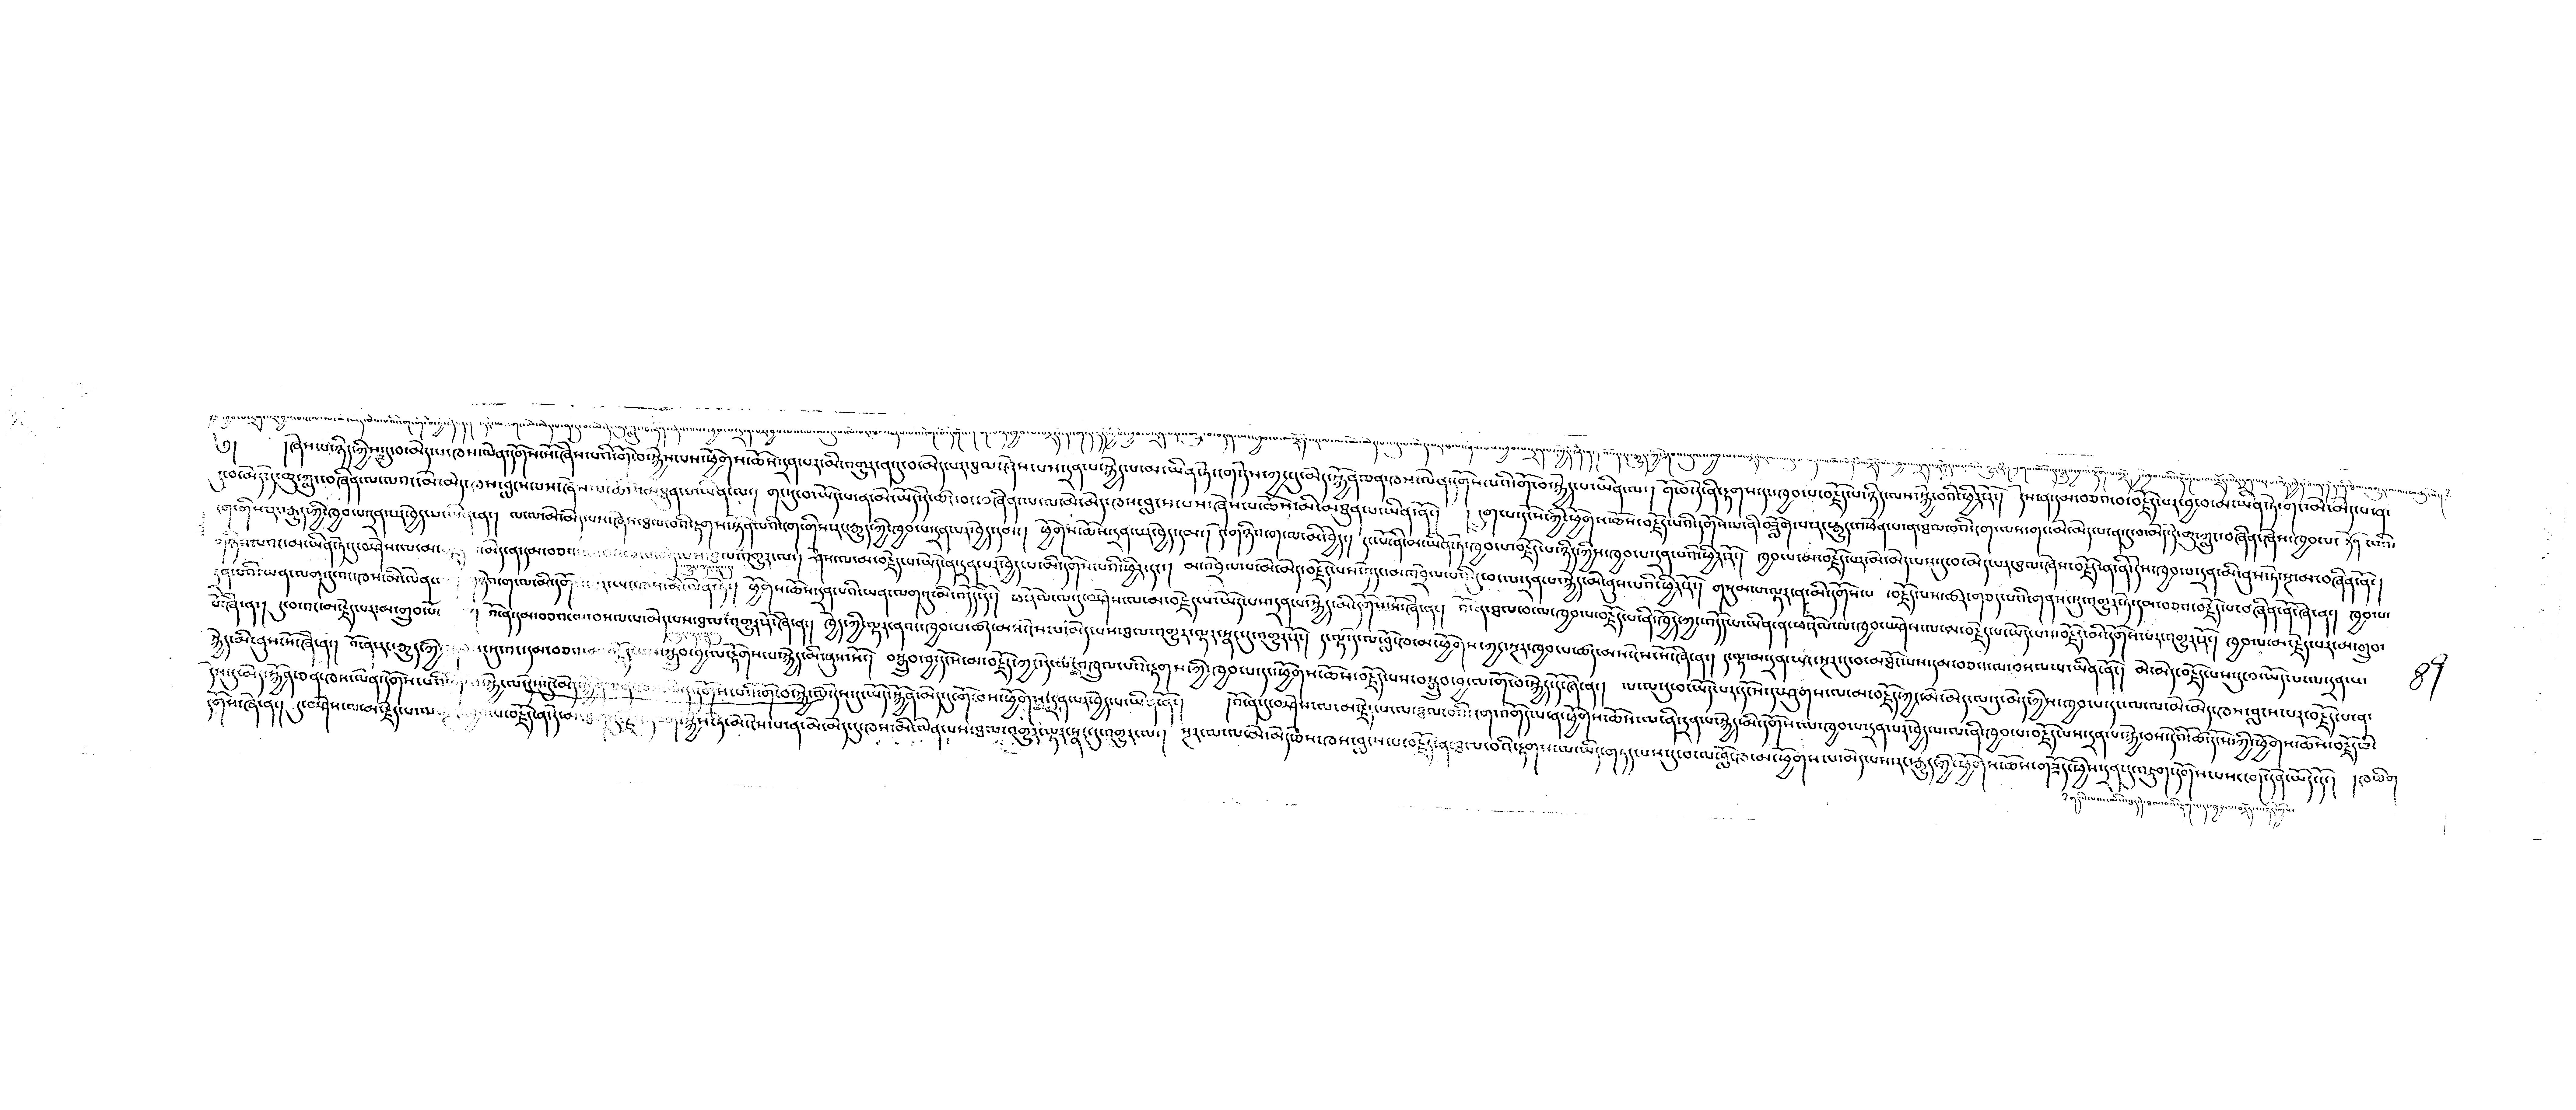༈། །ཞེས་པ་ཉིད་ཀྱིས་?་དུ་བ་མེད་པ་ཁས་ལེན་དོགས་སོ་ཞེས་པའི་གོ་བ་སྐྱེས་པས་ཕྱོགས་ཆོས་དྲན་པར་མི་འགྱུར་ན་དུ་བ་མེད་པར་ཐལ་ཞེས་པས་དྲན་པ་སྐྱེད་པ་མ་ཡིན་ཏེ་ངག་དེས་ཀྱང་དུ་མེད་སྐྱོན་ལན་ཁས་ལེན་དགོས་པའི་གོ་བ་སྐྱེད་པ་ཡིན་ལ། གོ་བ་དེ་ནི་རྟགས་དང་ཁྱབ་པ་བརྗོད་པ་ཉིད་ལས་སྐྱེ་བའི་ཕྱིར་རོ། དེས་ན་དམ་བཅའ་བ་བརྗོད་པར་བྱ་བ་མ་ཡིན་ཏེ་གང་མེ་མེད་པ་ན་
དུ་བ་མེད་དེ་ཆུ་ཀླུང་བཞིན་ལ་ལའང་མེ་མེད་ཁས་བླངས་པས་ཞེས་པ་ཆོས་མཐུན་པ་ཡིན་ལ། གང་དུ་བ་ཡོད་པ་ན་མེ་ཡོད་དེ་ཚང་བང?་བཞིན་པ་ལ་མེ་མེད་ཁས་བླངས་པས་ཞེས་པ་ཆོས་མི་མཐུན་པ་ཡིན་ནོ། །དྲུག་པ་དངོས་ཀྱི་ཕྱོགས་ཆོས་བརྗོད་པའི་དགོས་པ་ནི་བཟློག་པ་རང་རྒྱུད་འཕེན་པ་ན་ཐལ་བའི་ངག་ལས་གང་མེ་མེད་པ་ན་དུ་བ་མེད་དེ་ཆུ་ཀླུང་བཞིན་ཞེས་ཁྱབ་པ་སྟོན?་པའི་
ངག་གིས་རང་རྒྱུད་ཀྱི་ཁྱབ་པ་དྲན་པར་བྱེད་པ་ཡོད?་ན། ལ་ལ་མེ་མེད་པས་ཞེས་ཐལ་བའི་རྟགས་སྟོན་པའི་ངག་གིས་རང་རྒྱུད་ཀྱི་ཁྱབ་པ་དྲན་པར་བྱེད་དམ། ཕྱོགས་ཆོས་དྲན་པར་བྱེད་དམ། དེ་གཉིའ་ག་ལ་མི་བྱེད། དང་པོ་ནི་མ་ཡིན་ཏེ་ཁྱབ་པ་བརྗོད་པ་ཉིད་ཀྱིས་ཁྱབ་པ་དྲན་པའི་ཕྱིར་རོ། ཁྱབ་པ་མ་བརྗོད་པར་མེ་མེད་པས་དུ་བ་མེད་པར་ཐལ་ཞེས་བརྗོད་ན་ནི་དེས་ཁྱབ་པ་དྲན་མི་ནུས་ཏེ་སྔ་མ་བཞིན་ནོ།
གཉིས་པའང་མ་ཡིན་ཏེ་དུ་བ་ཤེས་ལ་མ་བརྗོད?་པ?་མེད་ན་དམ་བཅའ་ལ?་?་ལ་མེད་པས་ཐལ་འགྱུར་ལ། ཤེས་ལ་མ་བརྗེད་པ་ཡོད་ན་དྲན་པར་བྱེད་པ་མི་དགོས་པའི་ཕྱིར་དང་། མ་འབྲེལ་པ་མེ་མེད་བརྗོད་པས་འདི?་མ་འབྲེལ་པའི་དུ་བ་ལ་དྲན་པ་སྐྱེད་མི་ནུས་པའི་ཕྱིར་རོ། གསུམ་པ་ལྟར་ན་མི་དགོས་པ་བརྗོད་པས་ཚར་གཅད་པའི་གནས་སུ་འགྱུར་ཏེ་དམ་བཅའ་བརྗོད་པ་བཞིན་ནོ་ཞེ་ན། ཁྱབ་པ་
དྲན་པའི་ཡན་ལག་དུ་འང་ཁས་མི་ལེན་པ?། །གཉིའ?་ག་ལ་མི་དགོས་པར་ཡང་ཁས་མི་ལེན་ཏེ། ཕྱོགས་ཆོས་དྲན་པའི་ཡན་ལག་དུ་མི་འདོད་དོ། ཕ་རོལ་ལ་དུ་བ་ཤེས་ལ་མ་བརྗོད་པ་ཡོད་པས་དྲན་པ་སྐྱེད་མི་དགོས་སོ་ཞེ་ན། འོ་ན་ཐལ་བ་ལ་ཁྱབ་པ་བརྗོད་པ་ནི་ཁྱོད་ཀྱང་འདོད་པ་ཡིན་ན་ཕ་རོལ་ལ་ཁྱབ་པ་ཤེས་ལ་མ་བརྗོད་པ་ཡོད་པས་བརྗོད་མི་དགོས་པར་འགྱུར་རོ། ཁྱབ་པ་མ་རྗེད་པར་མ་གྲུབ་
པོ་ཞེ་ན། དུ་བ་འང་མ་རྗེད་པར་མ་གྲུབ་པོ་།འོ་ན་དམ་བཅའ་ལ་བསལ་པ་མེད་པས་ཐལ་འགྱུར་རོ་ཞེ་ན། ཁྱེད་ཀྱི་ལྟར་ནའང་ཁྱབ་པ་ཚད་མས་ངེས་པ་མེད་པས་ཐལ་འགྱུར་ལྟར་སྣང་དུ་འགྱུར་རོ། ད་ལྟ་དེ་ལ་བློ་ཁ་མ་ཕྱོགས་ཀྱང་སྔར་ཁྱབ་པ་ཚད་མས་ངེས་སོ་ཞེ་ན། ད་ལྟ་མ་དྲན་ཡང་སྔར་དུ་བ་མཐོང་པས་དམ་བཅའ་ལ་བསལ་པ་ཡིན་ནོ། མེ་མེད་བརྗོད་པས་དུ་བ་ཡོད་པ་ལ་དྲན་པ་
སྐྱེད་མི་ནུས་སོ་ཞེ་ན། འོ་ན་རང་རྒྱུད་ཀྱི་སྐབས?་སུ་འང་དམ་བཅའ་ལ་བརྗོད་པས་སྒྲུབ་བྱ་ལ་རྟོགས་པ་སྐྱེད་མི་ནུས་སོ། བསྒྲུབ་བྱ་དངོས་མ་བརྗོད་ཀྱང་དེ་ལ་འཁྲུལ་པའི་རྟགས་ཀྱི་ཁྱབ་པ་དང་ཕྱོགས་ཆོས་བརྗོད་པས་བསྒྲུབ་བྱ་ལ་གོ་བ་སྐྱེད་དོ་ཞེ་ན། ལ་ལ་དུ་བ་ཡོད་པར་དངོས་དང་ཤུགས་ལ་མ་བརྗོད་ཀྱང་མེ་མེད་ལ་དུ་མེད་ཀྱིས་ཁྱབ་པ་དང་ལ་ལ་མེ་མེད་ཁས་བླངས་པར་བརྗོད་པ་ན་
དེས་དུ་མེད་སྐྱོན་ཅན་ཁས་ལེན་དགོས་པའི་གོ་བ་?་སྐྱེ་ལ་དེས?་དུ་མེད་སྐྱོན?་?་ལེན་དགོས་པའི་གོ་བ་སྐྱེ་ལེ?་དེས་དུ་ཡོད་སྐྱོན་མེད་དུ་གོ་བས་ཕྱོགས་?་དྲན་པར་བྱེད་པ་ཡིན་ནོ། །འོ་ན་དུ་བ་ཤེས་ལ་མ་རྗེད་པ་ལ་ཐལ་བའི་ངག་འགོད་པ་ན་ཕྱོགས་ཆོས་ལ་ནི་དྲན་པ་སྐྱེད་མི་དགོས་ལ་ཁྱབ་པ་དྲན་པར་བྱེད་པ་ལ་ནི་ཁྱབ་པ་བརྗོད་པས་དྲན་པ་སྐྱེ་བས་དེའི་ཚེ་དངོས་ཀྱི་ཕྱོགས་ཆོས་བརྗོད་ཅི?
དགོས་ཞེ་ན། དུ་བ་ཤེས་ལ་མ་རྗེད་པ་ལ་?་?་བརྗོད་ན་དེ་མ་ཐག་དུ་རྗོད?་དཔག་སྐྱེས་ཏེ་མེ་ངེས་པ་ན་མེ་མེད་དུ་ཁས་མི་ལེན་པས་ཐལ་འགྱུར་ལྟར་སྣང་དུ་འགྱུར་ལ། སྔར་མ་ལ་མེ་མེད་ཅེས་ཁས་བླངས་པ་བརྗོད་ན་ཐལ་བའི་རྟགས་མ་ཡིད་གཏད་པས་དུ་བ་ལ་བློ་ཁ་མ་ཕྱོགས་པ་མེད་པས་རང་རྒྱུད་ཀྱི་ཕྱོགས་ཆོས་གཟོད་ཕྱིས་དྲན་དུ་འཇུག་དགོས་པས་ངག་དོན་ཡོད་དོ། ཁ་ཡིག་